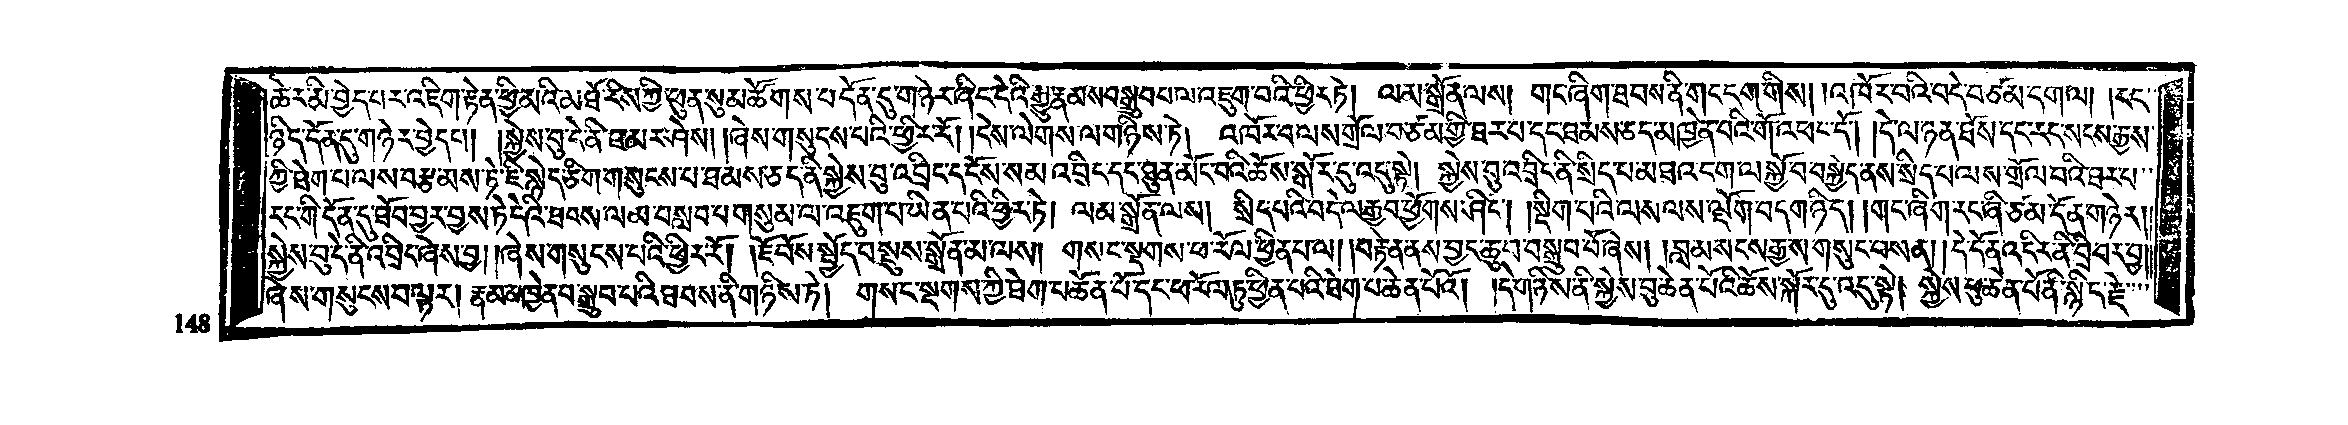ཆེར་མི་བྱེད་པར་འཇིག་རྟེན་ཕྱི་མའི་མཐོ་རིས་ཀྱི་ཕུན་སུམ་ཚོགས་པ་དོན་དུ་གཉེར་ཞིང་དེའི་རྒྱུ་རྣམས་བསྒྲུབ་པ་ལ་འཇུག་པའི་ཕྱིར་ཏེ། ལམ་སྒྲོན་ལས། གང་ཞིག་ཐབས་ནི་གང་དག་གིས། །འཁོར་བའི་བདེ་བ་ཙམ་དག་ལ། །རང་
ཉིད་དོན་དུ་གཉེར་བྱེད་པ། །སྐྱེས་བུ་དེ་ནི་ཐ་མར་ཤེས། །ཞེས་གསུངས་པའི་ཕྱིར་རོ། །དེས་ལེགས་ལ་གཉིས་ཏེ། འཁོར་བ་ལས་གྲོལ་བ་ཙམ་གྱི་ཐར་པ་དང་ཐམས་ཅད་མཁྱེན་པའི་གོ་འཕང་ངོ། །དེ་ལ་ཉན་ཐོས་དང་རང་སངས་རྒྱས་
ཀྱི་ཐེག་པ་ལས་བརྩམས་ཏེ་ཇི་སྙེད་ཅིག་གསུངས་པ་ཐམས་ཅད་ནི་སྐྱེས་བུ་འབྲིང་དངོས་སམ་འབྲིང་དང་ཐུན་མོང་བའི་ཆོས་སྒོར་དུ་འདུ་སྟེ། སྐྱེས་བུ་འབྲིང་ནི་སྲིད་པ་མཐའ་དག་ལ་སྐྱོ་བ་བསྐྱེད་ནས་སྲིད་པ་ལས་གྲོལ་བའི་ཐར་པ་
རང་གི་དོན་དུ་ཐོབ་བྱར་བྱས་ཏེ་དེའི་ཐབས་ལམ་བསླབ་པ་གསུམ་ལ་འཇུག་པ་ཡིན་པའི་ཕྱིར་ཏེ། ལམ་སྒྲོན་ལས། སྲིད་པའི་བདེ་ལ་རྒྱབ་ཕྱོགས་ཤིང་། །སྡིག་པའི་ལས་ལས་ལྡོག་བདག་ཉིད། །གང་ཞིག་རང་ཞི་ཙམ་དོན་གཉེར། །
སྐྱེས་བུ་དེ་ནི་འབྲིང་ཞེས་བྱ། །ཞེས་གསུངས་པའི་ཕྱིར་རོ། །ཇོ་བོས་སྤྱོད་བསྡུས་སྒྲོན་མ་ལས། གསང་སྔགས་ཕ་རོལ་ཕྱིན་པ་ལ། །བརྟེན་ནས་བྱང་ཆུབ་བསྒྲུབ་བོ་ཞེས། །བླ་མ་སངས་རྒྱས་གསུང་བས་ན། །དེ་དོན་འདིར་ནི་བྲི་བར་བྱ། །
ཞེས་གསུངས་པ་ལྟར། རྣམ་མཁྱེན་པ་སྒྲུབ་པའི་ཐབས་ནི་གཉིས་ཏེ། གསང་སྔགས་ཀྱི་ཐེག་པ་ཆེན་པོ་དང་ཕ་རོལ་ཏུ་ཕྱིན་པའི་ཐེག་པ་ཆེན་པོའོ། །དེ་གཉིས་ནི་སྐྱེས་བུ་ཆེན་པོའི་ཆོས་སྐོར་དུ་འདུ་སྟེ། སྐྱེས་བུ་ཆེན་པོ་ནི་སྙིང་རྗེ་